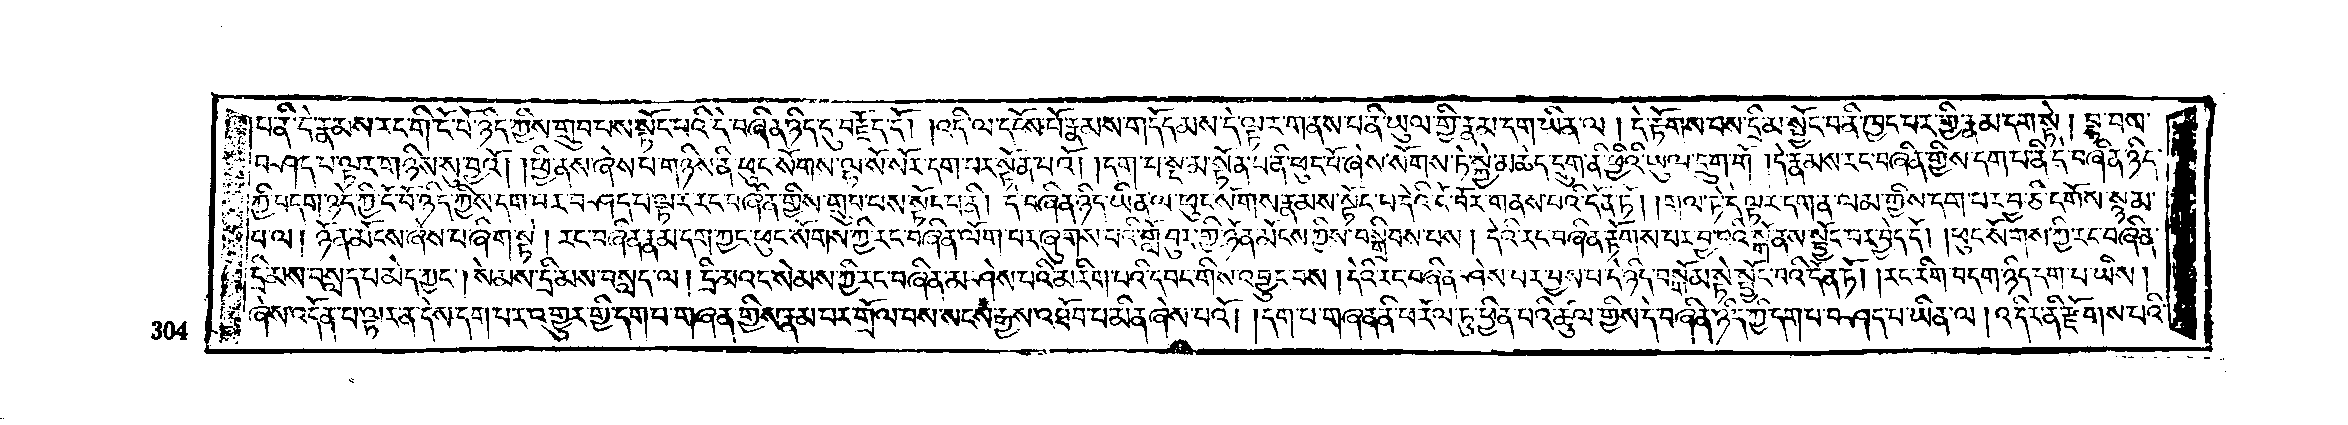པ་ནི་དེ་རྣམས་རང་གི་ངོ་བོ་ཉིད་ཀྱིས་གྲུབ་པས་སྟོང་པའི་དེ་བཞིན་ཉིད་དུ་བརྗོད་དོ། །འདི་ལ་དངོས་པོ་རྣམས་གདོད་མས་དེ་ལྟར་གནས་པ་ནི་ཡུལ་གྱི་རྣམ་དག་ཡིན་ལ། དེ་རྟོགས་པས་དྲི་མ་སྦྱོང་བ་ནི་ཁྱད་པར་གྱི་རྣམ་དག་སྟེ། བྷ་བས་
བཤད་པ་ལྟར་གཉིས་སུ་བྱའོ། །ཕྱི་ནས་ཞེས་པ་གཉིས་ནི་ཕུང་སོགས་ལྷ་སོ་སོར་དག་པར་སྟོན་པའོ། །དག་པ་སྔ་མ་སྟོན་པ་ནི་ཕུང་པོ་ཞེས་སོགས་ཏེ་སྐྱེ་མཆེད་དྲུག་ནི་ཕྱིའི་ཡུལ་དྲུག་གོ། དེ་རྣམས་རང་བཞིན་གྱིས་དག་པ་ནི་དེ་བཞིན་ཉིད་
ཀྱི་བདག་ཉིད་ཀྱི་ངོ་བོ་ཉིད་ཀྱིས་དག་པར་བཤད་པ་ལྟར་རང་བཞིན་གྱིས་གྲུབ་པས་སྟོང་པ་ནི། དེ་བཞིན་ཉིད་ཡིན་ལ་ཕུང་སོགས་རྣམས་སྟོང་པ་དེའི་ངོ་བོར་གནས་པའི་དོན་ཏོ། །གལ་ཏེ་དེ་ལྟར་དག་ན་ལམ་གྱིས་དག་པར་བྱ་ཅི་དགོས་སྙམ་
པ་ལ། ཉོན་མོངས་ཞེས་པ་ཞིག་སྟེ། རང་བཞིན་རྣམ་དག་ཀྱང་ཕུང་སོགས་ཀྱི་རང་བཞིན་ལོག་པར་ཞུགས་པའི་གློར་བུར་གྱི་ཉོན་མོངས་ཀྱིས་བསྒྲིབས་པས། དེའི་རང་བཞིན་རྟོགས་པར་བྱ་བའི་སྒོ་ནས་སྦྱོང་བར་བྱེད་དོ། །ཕུང་སོགས་ཀྱི་རང་བཞིན་
དྲི་མས་བསླད་པ་མེད་ཀྱང་། སེམས་དྲི་མས་བསླད་ལ། དྲི་མའང་སེམས་ཀྱི་རང་བཞིན་མ་ཤེས་པའི་མ་རིག་པའི་དབང་གིས་འབྱུང་བས། དེའི་རང་བཞིན་ཤེས་པར་བྱས་པ་དེ་ཉིད་བསྒོམ་སྟེ་སྦྱོང་བའི་དོན་ཏོ། །རང་རིག་བདག་ཉིད་དག་པ་ཡིས།
ཞེས་འདོན་པ་ལྟར་ན་དེས་དག་པར་འགྱུར་གྱི་དག་པ་གཞན་གྱིས་རྣམ་པར་གྲོལ་བས་སངས་རྒྱས་འཐོབ་པ་མིན་ཞེས་པའོ། །དག་པ་གཞན་ནི་ཕ་རོལ་ཏུ་ཕྱིན་པའི་ཚུལ་གྱིས་དེ་བཞིན་ཉིད་ཀྱི་དག་པ་བཤད་པ་ཡིན་ལ། འདིར་ནི་རྫོགས་པའི་